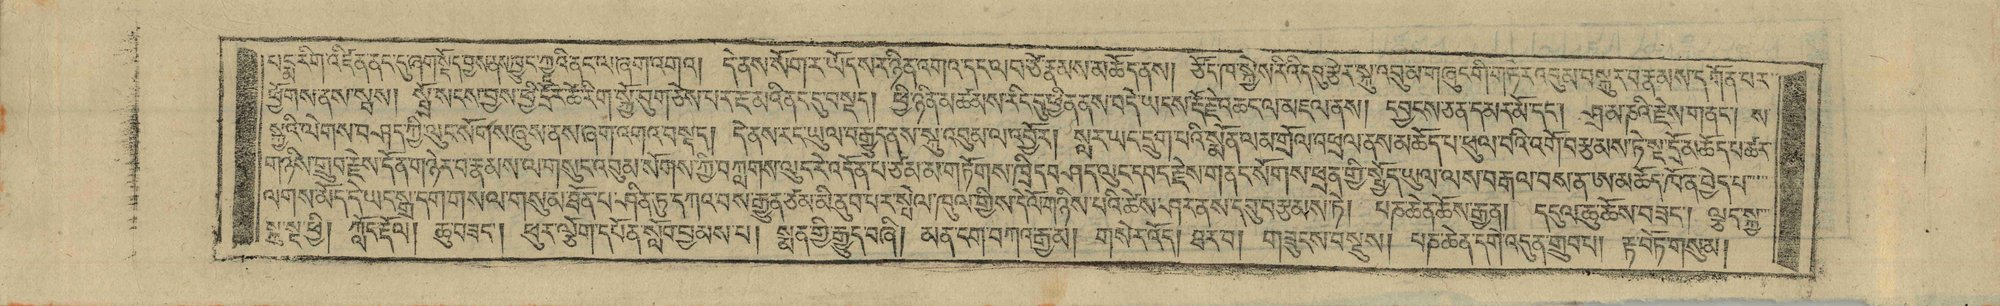པདམ་རིག་འཛིན་ནང་དུ་ཞག་སྡོད་བྱས་ནས་ཁྱུང་ཀྱཱའི་ནང་ལ་ཞག་འགའ། དེ་ནས་སོག་ར་ཡོད་སར་ཉིན་འགའ་དང་ལབ་ཙེ་རྣམས་མཆོད་ནས། ཙོང་ཁ་སྐྱེས་རིའི་དབུ་རྩེར་སྐུ་འབུམ་གཞུང་གི་གཏེར་འབུམ་བསྐུར་བ་རྣམས་དགོན་པར་
ཕྱོགས་ནས་སྦས། སྤྲོ་སངས་བྱས་ཕྱི་དྲོར་ཚེ་རིག་སྐྱོ་བུག་ཅེས་པར་རྔ་མའི་ནང་དུ་བསྡད། ཕྱི་ཉིན་མཚམས་རིང་དུ་ཕྱིན་ནས་བདེ་ཡངས་རྡོ་རྗེ་འཆང་ལ་མཇལ་ནས། དབྱངས་ཅན་དམར་མོ་དང་། ཤྲ་མ་ཎའི་རྗེས་གནང་། ས་
སྐྱའི་ལེགས་བཤད་ཀྱི་ལུང་སོགས་ཞུས་ནས་ཞག་འགའ་བསྡད། དེ་ནས་རང་ཡུལ་བརྒྱུད་ནས་སྐུ་འབུམ་ལ་འབྱོར། སླར་ཡང་དྲུག་པའི་སྨོན་ལམ་གྲོལ་འཕྲལ་ནས་མཆོད་པ་ཕུལ་བའི་འགོ་བརྩམས་ཏེ་སྔ་དྲོ་མཆོད་པ་ཚར་
གཉིས་གྲུབ་རྗེས་དོན་གཉེར་བ་རྣམས་ལ་གསུང་འབུམ་སོགས་ཀྱི་བཀླགས་ལུང་རེ་འདོན་པ་ཙམ་མ་གཏོགས་ཁྲིད་བཤད་ལུང་དབང་རྗེས་གནང་སོགས་ཕྲན་གྱི་སྤྱོད་ཡུལ་ལས་བརྒལ་བས་ན་ཨ་མཆོད་ཁོ་ན་བྱེད་པ་
ལགས་མོད་དེ་ཡང་སྒྲ་དག་གསལ་གསུམ་ཐོན་པ་ཤིན་ཏུ་དཀའ་བས་རྒྱུན་ཙམ་མི་ནུབ་པར་སྤེལ་ཁུལ་གྱིས་དེ་ལོ་གཉིས་པའི་ཚེས་ཤར་ནས་དབུ་བརྩམས་ཏེ། པཎ་ཆེན་ཆོས་རྒྱན། དངུལ་ཆུ་ཆོས་བཟང་། ལྕང་སྐྱ་
སྐུ་སྔ་ཕྱི། ཀློང་རྡོལ། ཆུ་བཟང་། ཕུར་ལྕོག་དཔོན་སློབ་བྱམས་པ། སྨན་གྱི་རྒྱུད་བཞི། མན་ངག་བཀའ་རྒྱ་མ། གསེར་འོད། ཐར་བ། གཟུངས་བསྡུས། པཎ་ཆེན་དགེ་འདུན་གྲུབ་པ། རྟ་བོཏ་གསུམ།